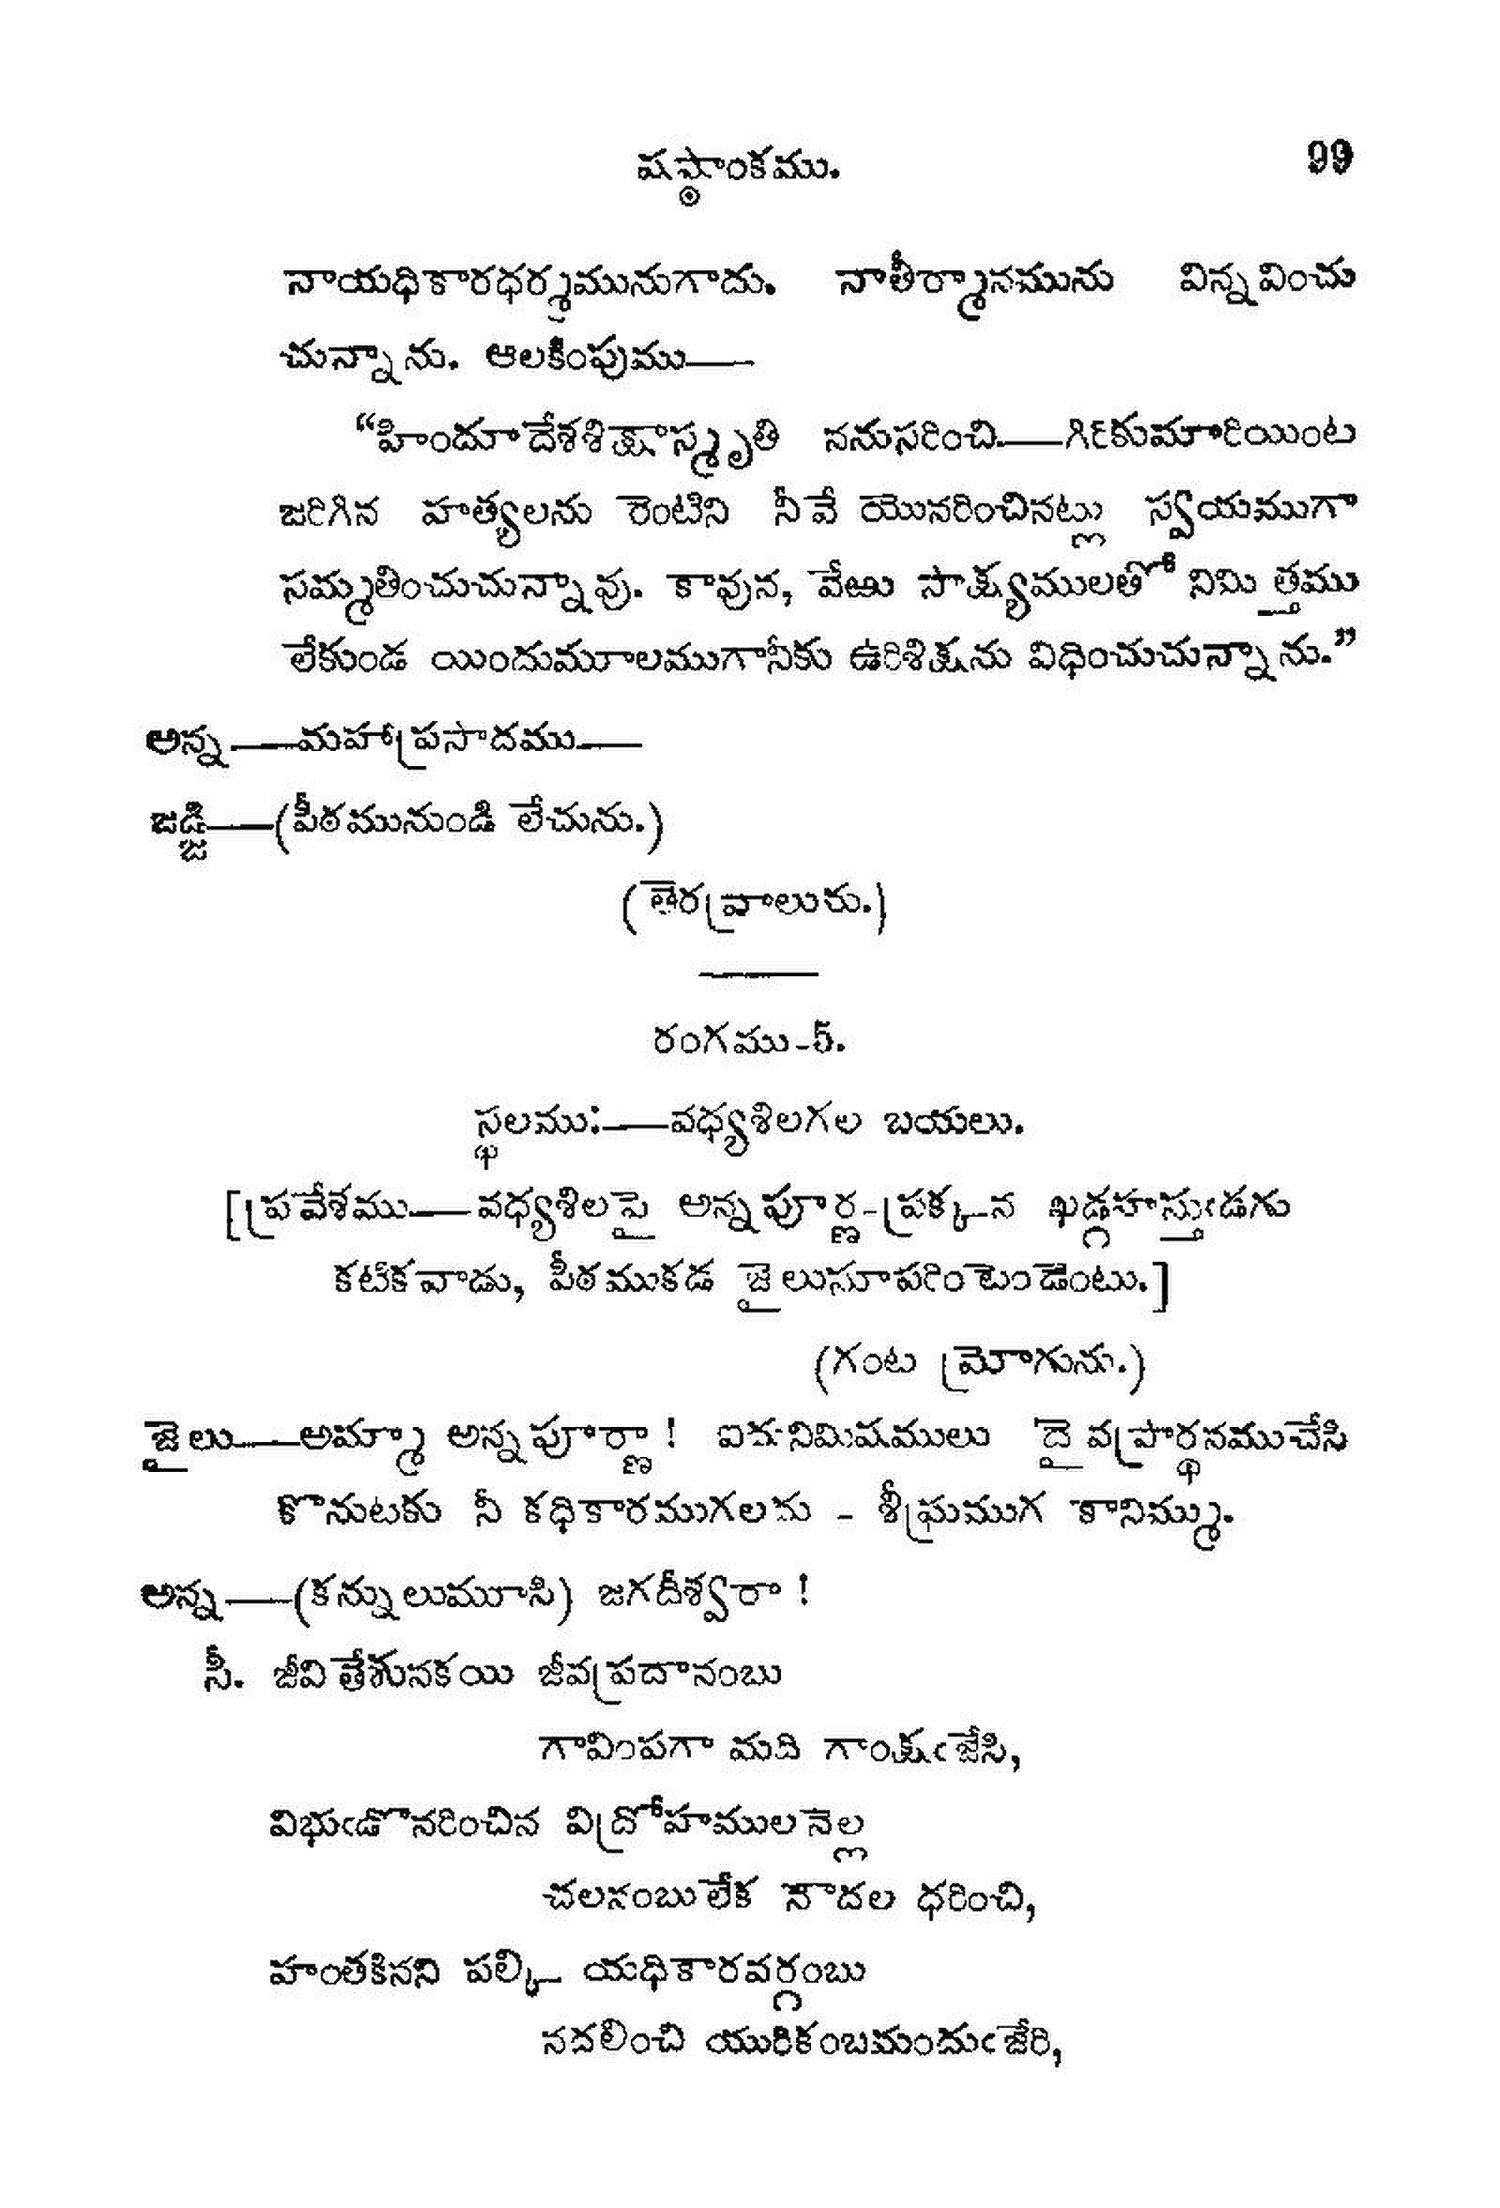నాయధికారధర్మమునుగాదు. నాతీర్మానమును విన్నవించు చున్నాను. ఆలకింపుము

"హిందూదేశశిక్షాస్మృతి ననుసరించి - గిరికుమారియింట జరిగిన హత్యలను రెంటిని నీవే యొనరించినట్లు స్వయముగా సమ్మతించుచున్నావు. కావున, వేఱు సాక్ష్యములతో నిమిత్తము లేకుండ యిందుమూలముగానీకు ఉరిశిక్షను విధించుచున్నాను.”

అన్న - మహాప్రసాదము-

జడ్జి – (పీఠమునుండి లేచును.)

జైలు - అమ్మా అన్నపూర్ణా ! ఐదునిమిషములు దైవప్రార్థనముచేసి కొనుటకు నీ కధికారముగలదు - శీఘ్రముగ కానిమ్ము.

అన్న - (కన్నులుమూసి) జగదీశ్వరా !

సీ. జీవితేశునకయి జీవప్రదానంబు
 గావింపగా మది గాంక్షఁజేసి,
 విభుఁడొనరించిన విద్రోహములనెల్ల
 చలనంబులేక నౌదల ధరించి,
 హంతకినని పల్కి యధికారవర్గంబు
 నదలించి యురికంబమందుఁ జేరి,